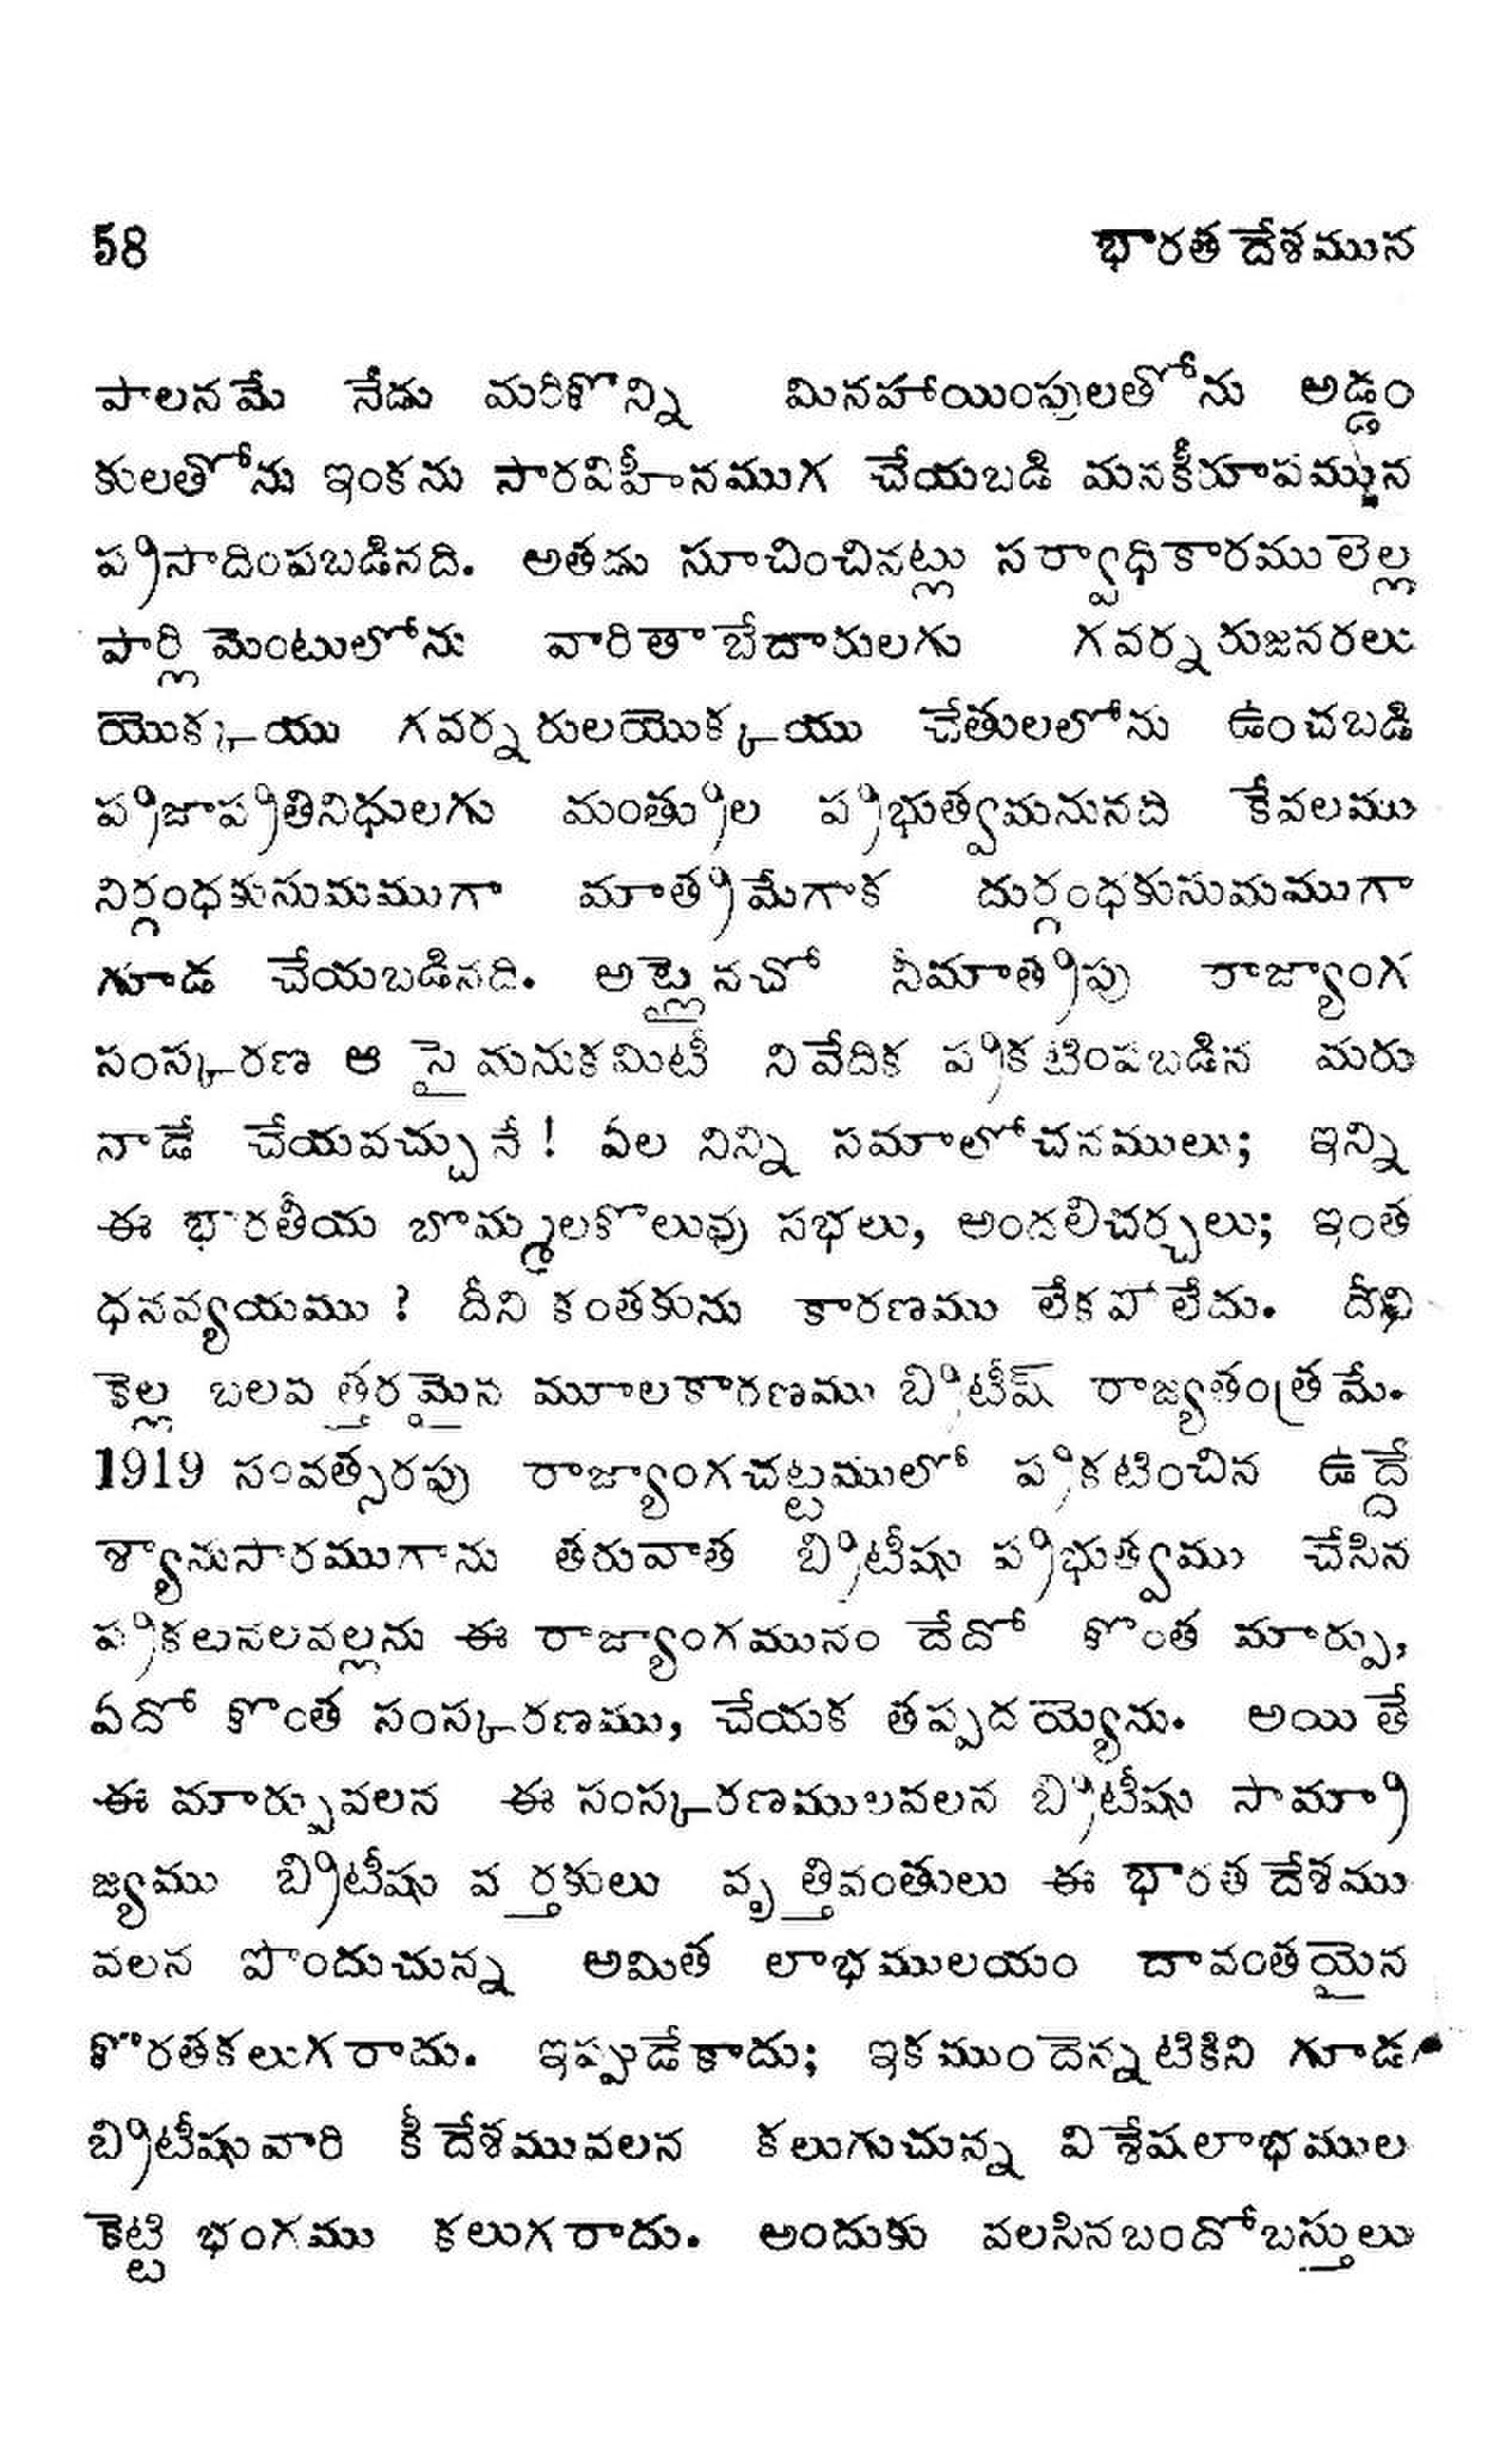పాలనమే నేడు మరికొన్ని మినహాయింపులతోను అడ్డంకులతోను ఇంకను సారవిహీనముగ చేయబడి మనకీరూపమున ప్రసాదింపబడినది. అతడు సూచించినట్లు సర్వాధికారములెల్ల పార్లిమెంటులోను వారితాబేదారులగు గవర్నరుజనరలు
యొక్కయు గవర్నరులయొక్కయు చేతులలోను ఉంచబడి ప్రజాప్రతినిధులగు మంత్రుల ప్రభుత్వమనునది కేవలము నిర్గంధకుసుమముగా మాత్రమేగాక దుర్గంధకుసుమముగా గూడ చేయబడినది. అట్లైనచో నీమాత్రపు రాజ్యాంగసంస్కరణ ఆ సైమనుకమిటీ నివేదిక ప్రకటింపబడిన మరునాడే చేయవచ్చునే ! ఏల నిన్ని సమాలోచనములు; ఇన్ని
ఈ భారతీయ బొమ్మలకొలువు సభలు, అందలిచర్చలు; ఇంత ధనవ్యయము : దీని కంతకును కారణము లేకపోలేదు. దీనికెల్ల బలవత్తరమైన మూలకారణము. బిటీష్ రాజ్యతంత్రమే. 1919 సంవత్సరపు రాజ్యాంగచట్టములో ప్రకటించిన ఉద్దేశ్యానుసారముగాను తరువాత బ్రిటీషు ప్రభుత్వము చేసిన ప్రకటనలవల్లను ఈ రాజ్యాంగమునం దేదో కొంత మార్పు, ఏదో కొంత సంస్కరణము, చేయక తప్పదయ్యెను. అయితే ఈ మార్పువలన ఈ సంస్కరణమువలన బ్రిటీషు సామ్రాజ్యము బ్రిటీషు వర్తకులు వృత్తివంతులు ఈ భారతదేశమువలన పొందుచున్న అమిత లాభములయం దావంతయైన కొరతకలుగరాదు. ఇప్పుడేకాదు; ఇకముందెన్నటికిని గూడ బ్రిటీషువారి కీ దేశమువలన కలుగుచున్న విశేషలాభముల కెట్టి భంగము కలుగరాదు. అందుకు వలసినబందోబస్తులు